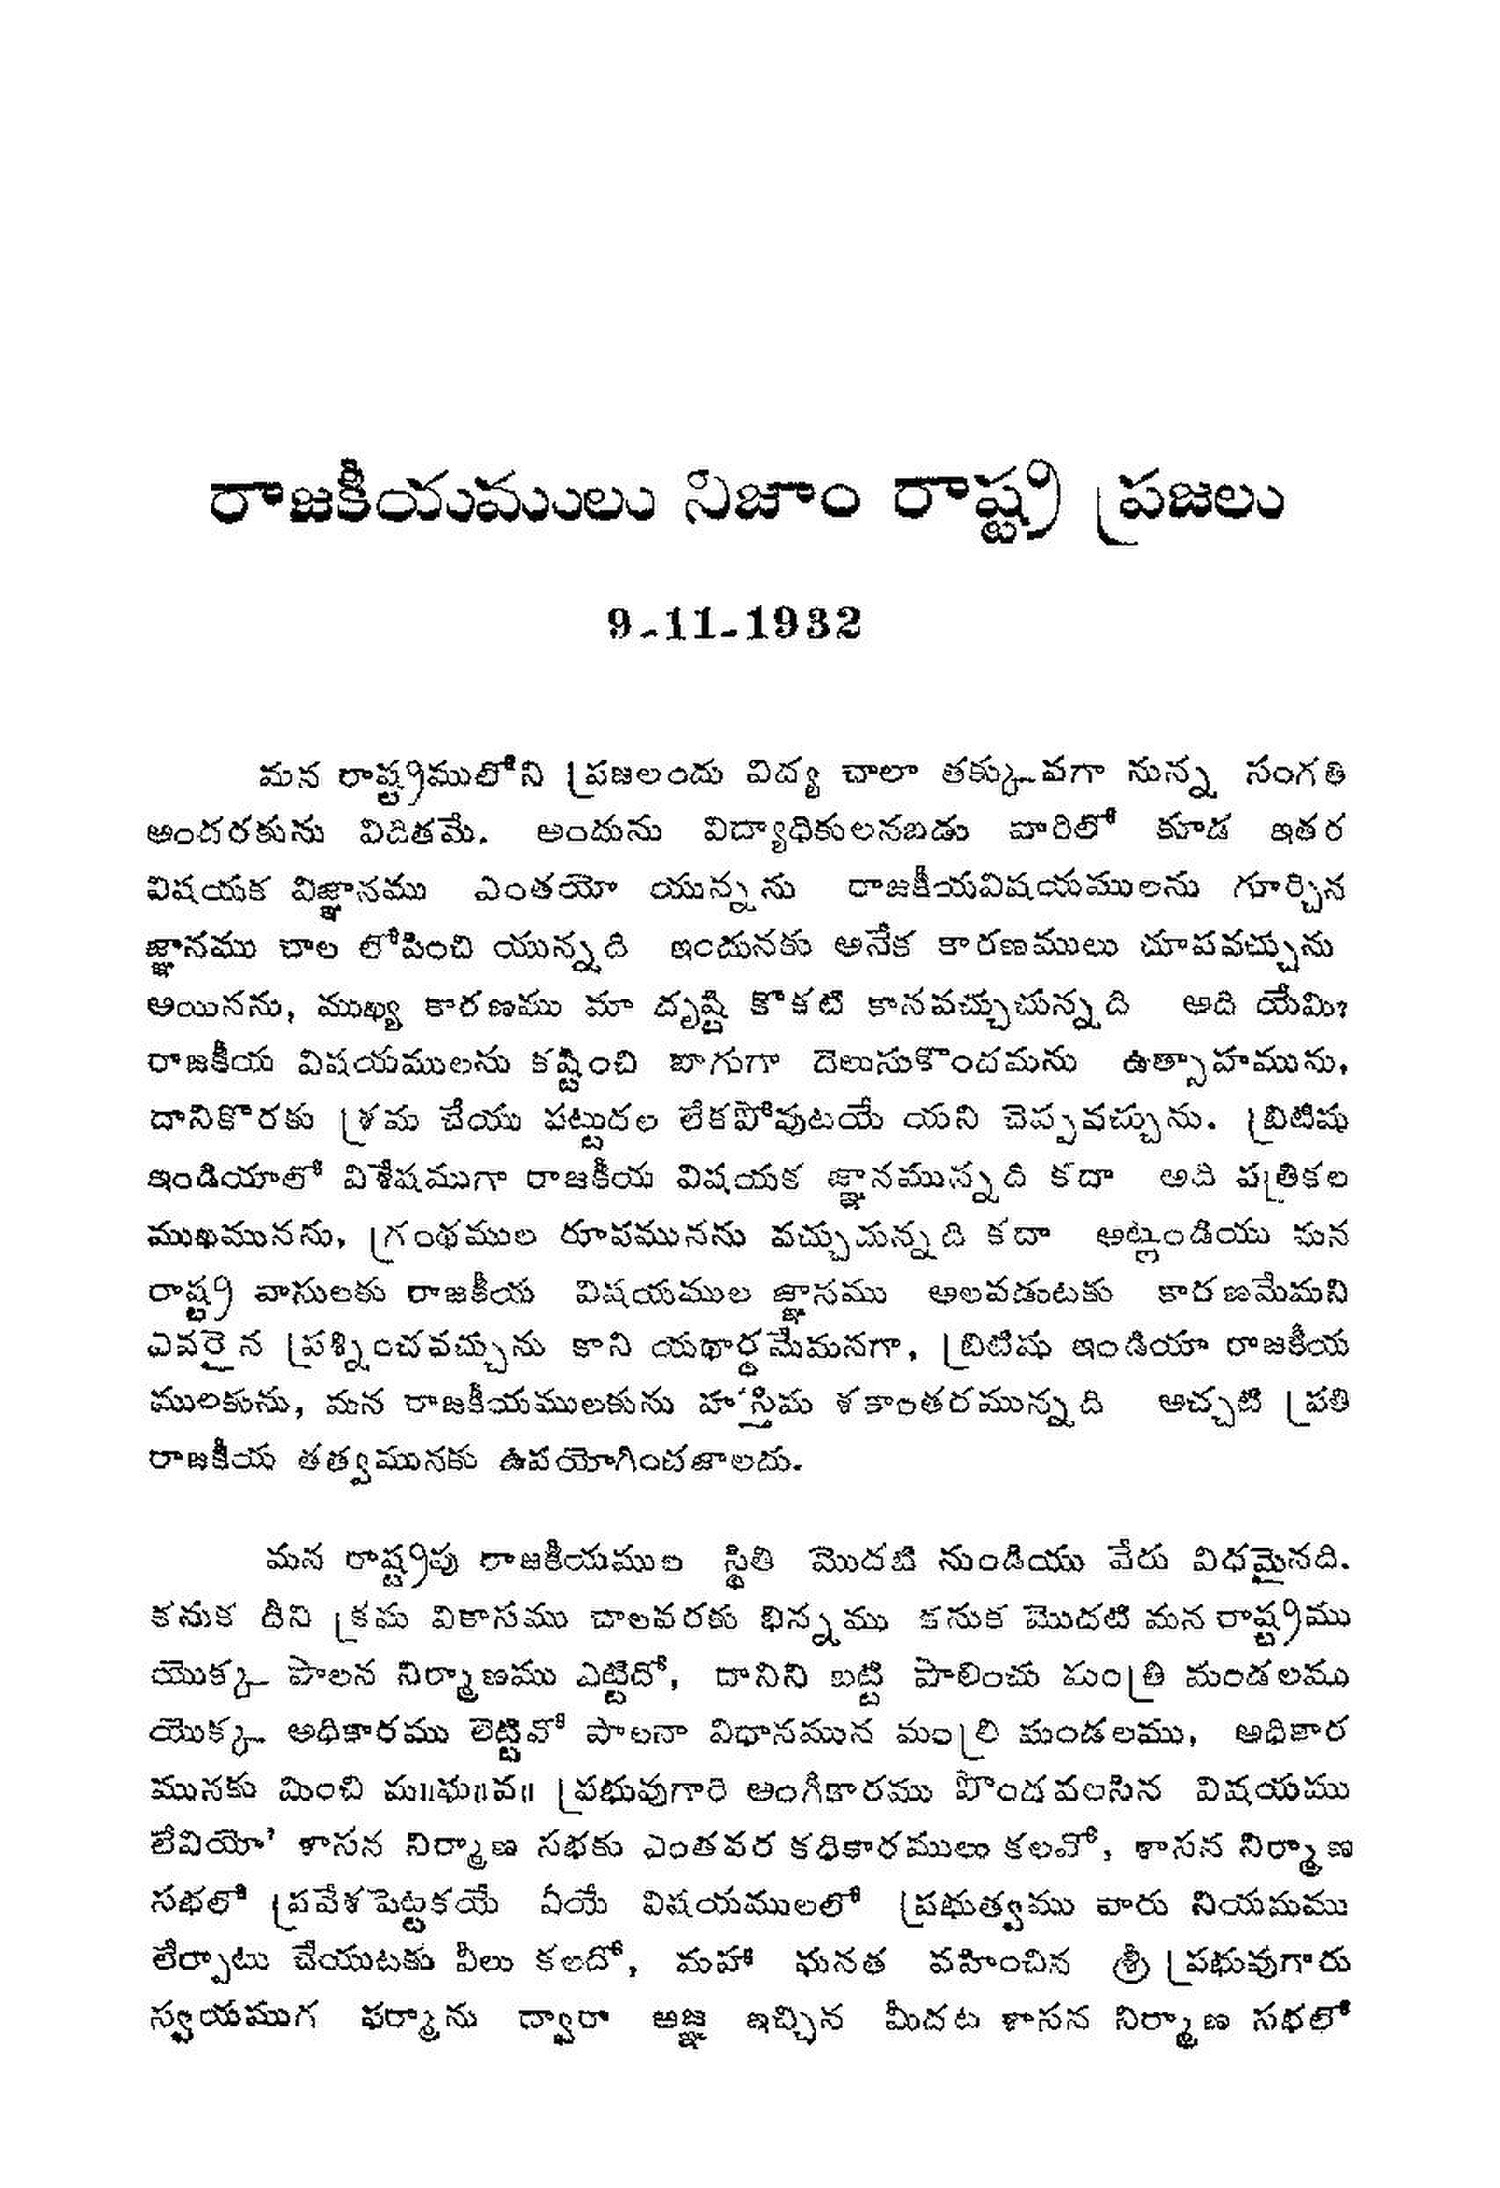రాజకీయములు నిజాం రాష్ట్ర ప్రజలు

9-11-1932

మన రాష్ట్రములోని ప్రజలందు విద్య చాలా తక్కువగా నున్న సంగతి అందరకును విదితమే. అందును విద్యాధికులనబడు వారిలో కూడ ఇతర విషయక విజ్ఞానము ఎంతయో యున్నను రాజకీయవిషయములను గూర్చిన
జ్ఞానము చాల లోపించి యున్నది ఇందునకు అనేక కారణములు చూపవచ్చును అయినను, ముఖ్య కారణము మా దృష్టి కొకటి కానవచ్చుచున్నది అది యేమి? రాజకీయ విషయములను కష్టించి బాగుగా దెలుసుకొందమను ఉత్సాహమును, దానికొరకు శ్రమ చేయు పట్టుదల లేకపోవుటయే యని చెప్పవచ్చును. బ్రిటిషు ఇండియాలో విశేషముగా రాజకీయ విషయక జ్ఞానమున్నది కదా అది పత్రికల ముఖమునను, గ్రంథముల రూపమునను వచ్చుచున్నది కదా అట్లుండియు మన రాష్ట్ర వాసులకు రాజకీయ విషయములు జ్ఞానము అలవడుటకు కారణమేమని ఎవరైన ప్రశ్నించవచ్చును కాని యథార్థమేమనగా, బ్రిటిషు ఇండియా రాజకీయములకును, మన రాజకీయములకును హస్తిమ శకాంతరమున్నది అచ్చటి ప్రతి రాజకీయ తత్వమునకు ఉపయోగించజాలదు.

మన రాష్ట్రపు రాజకీయముల స్థితి మొదటి నుండియు వేరు విధమైనది. కనుక దీని క్రమ వికాసము చాలవరకు భిన్నము కనుక మొదటి మన రాష్ట్రము యొక్క పాలన నిర్మాణము ఎట్టిదో, దానిని బట్టి పాలించు మంత్రి మండలము యొక్క అధికారము లెట్టివో పాలనా విధానమున మంత్రి మండలము, అధికారమునకు మించి 
మ॥ఘ॥వ॥ ప్రభువుగారి అంగీకారము పొందవలసిన విషయము లేవియో' శాసన నిర్మాణ సభకు ఎంతవర కధికారములు కలవో, శాసన నిర్మాణ సభలో ప్రవేశపెట్టకయే ఏయే విషయములలో ప్రభుత్వము వారు నియమము
లేర్పాటు చేయుటకు వీలు కలదో, మహా ఘనత వహించిన శ్రీ ప్రభువుగారు స్వయముగ ఫర్మాను ద్వారా ఆజ్ఞ ఇచ్చిన మీదట శాసన నిర్మాణ సభలో